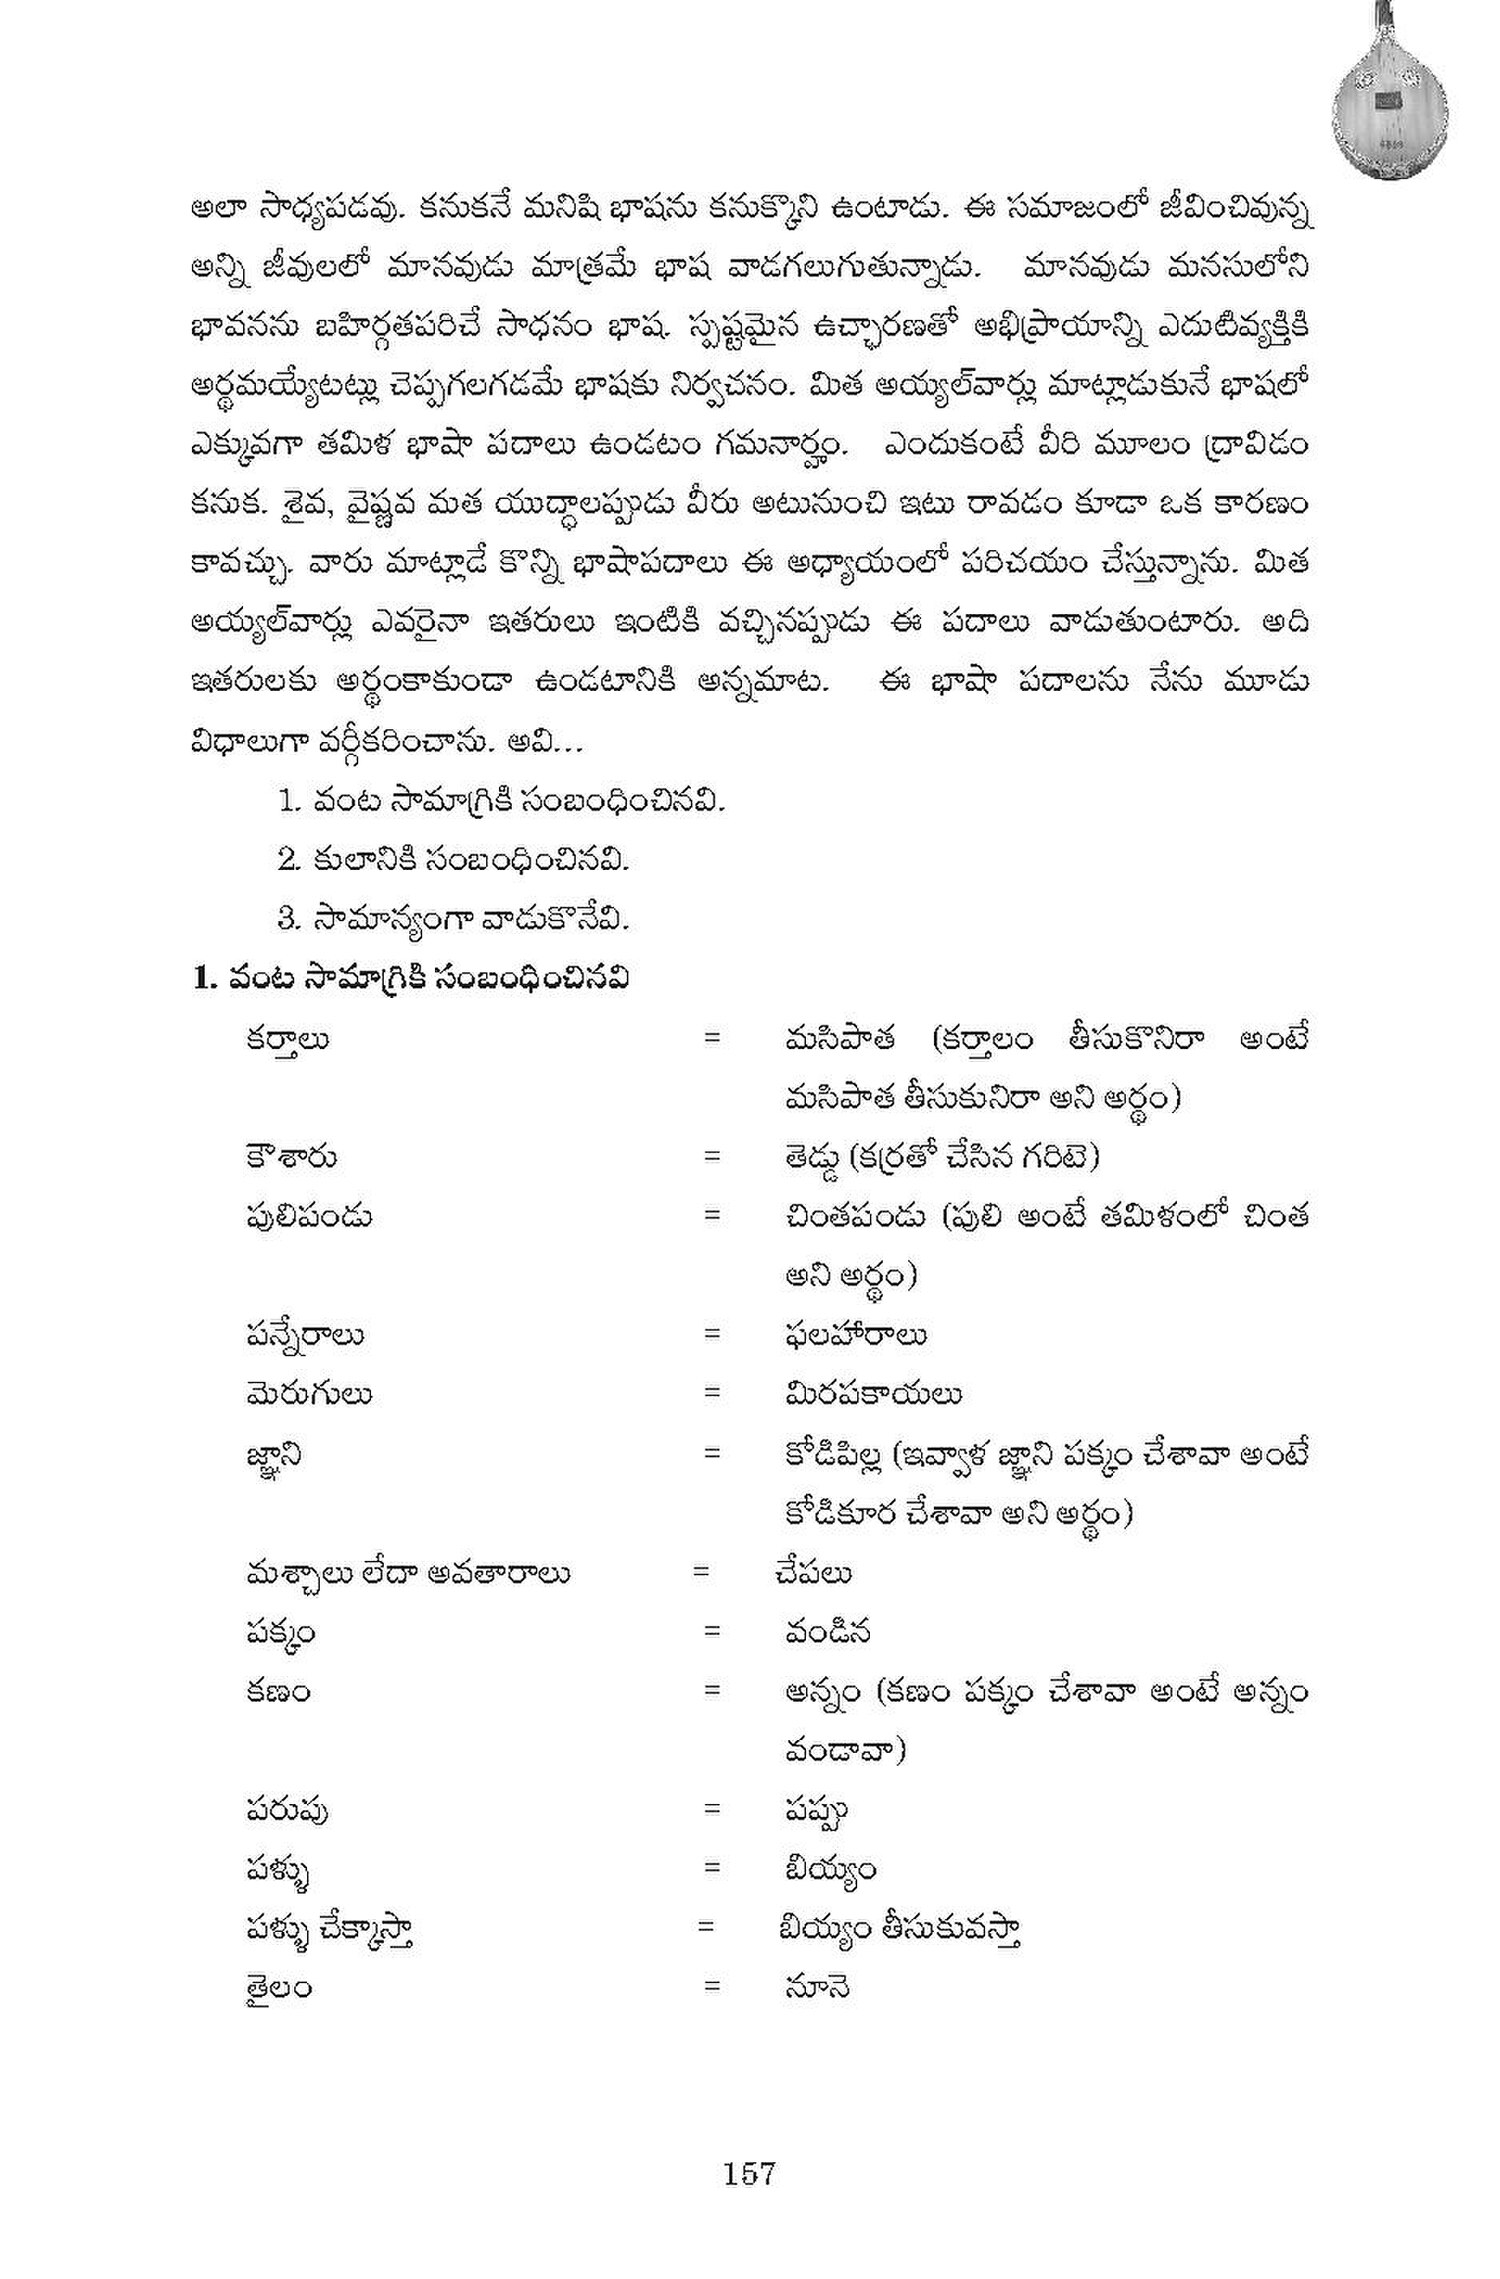అలా సాధ్యపడవు. కనుకనే మనిషి భాషను కనుక్కొని ఉంటాడు. ఈ సమాజంలో జీవించివున్న అన్ని జీవులలో మానవుడు మాత్రమే భాష వాడగలుగుతున్నాడు. మానవుడు మనసులోని భావనను బహిర్గతపరిచే సాధనం భాష. స్పష్టమైన ఉచ్ఛారణతో అభిప్రాయాన్ని ఎదుటివ్యక్తికి అర్థమయ్యేటట్లు చెప్పగలగడమే భాషకు నిర్వచనం. మిత అయ్యల్వార్లు మాట్లాడుకునే భాషలో ఎక్కువగా తమిళ భాషా పదాలు ఉండటం గమనార్హం. ఎందుకంటే వీరి మూలం ద్రావిడం కనుక. శైవ, వైష్ణవ మత యుద్ధాలప్పుడు వీరు అటునుంచి ఇటు రావడం కూడా ఒక కారణం కావచ్చు. వారు మాట్లాడే కొన్ని భాషాపదాలు ఈ అధ్యాయంలో పరిచయం చేస్తున్నాను. మిత అయ్యల్వార్లు ఎవరైనా ఇతరులు ఇంటికి వచ్చినప్పుడు ఈ పదాలు వాడుతుంటారు. అది ఇతరులకు అర్థంకాకుండా ఉండటానికి అన్నమాట. ఈ భాషా పదాలను నేను మూడు విధాలుగా వర్గీకరించాను. అవి...

1. వంట సామాగ్రికి సంబంధించినవి.
2. కులానికి సంబంధించినవి.
3. సామాన్యంగా వాడుకొనేవి.

1. వంట సామాగ్రికి సంబంధించినవి 
+ కర్తాలు మసిపాత (కర్తాలం తీసుకొనిరా అంటే మసిపాత తీసుకునిరా అని అర్థం) కౌశారు తెడ్డు (కర్రతో చేసిన గరిటె) పులిపండు చింతపండు (పులి అంటే తమిళంలో చింత అని అర్థం) పన్నేరాలు ఫలహారాలు మెరుగులు మిరపకాయలు జ్ఞాని కోడిపిల్ల (ఇవ్వాళ జ్ఞాని పక్కం చేశావా అంటే కోడికూర చేశావా అని అర్థం) మశ్చాలు లేదా అవతారాలు చేపలు పక్కం వండిన కణం అన్నం (కణం పక్కం చేశావా అంటే అన్నం వండావా) పరుపు పప్పు పళ్ళు బియ్యం పళ్ళు చేక్కాస్తా బియ్యం తీసుకువస్తా తైలం నూనె